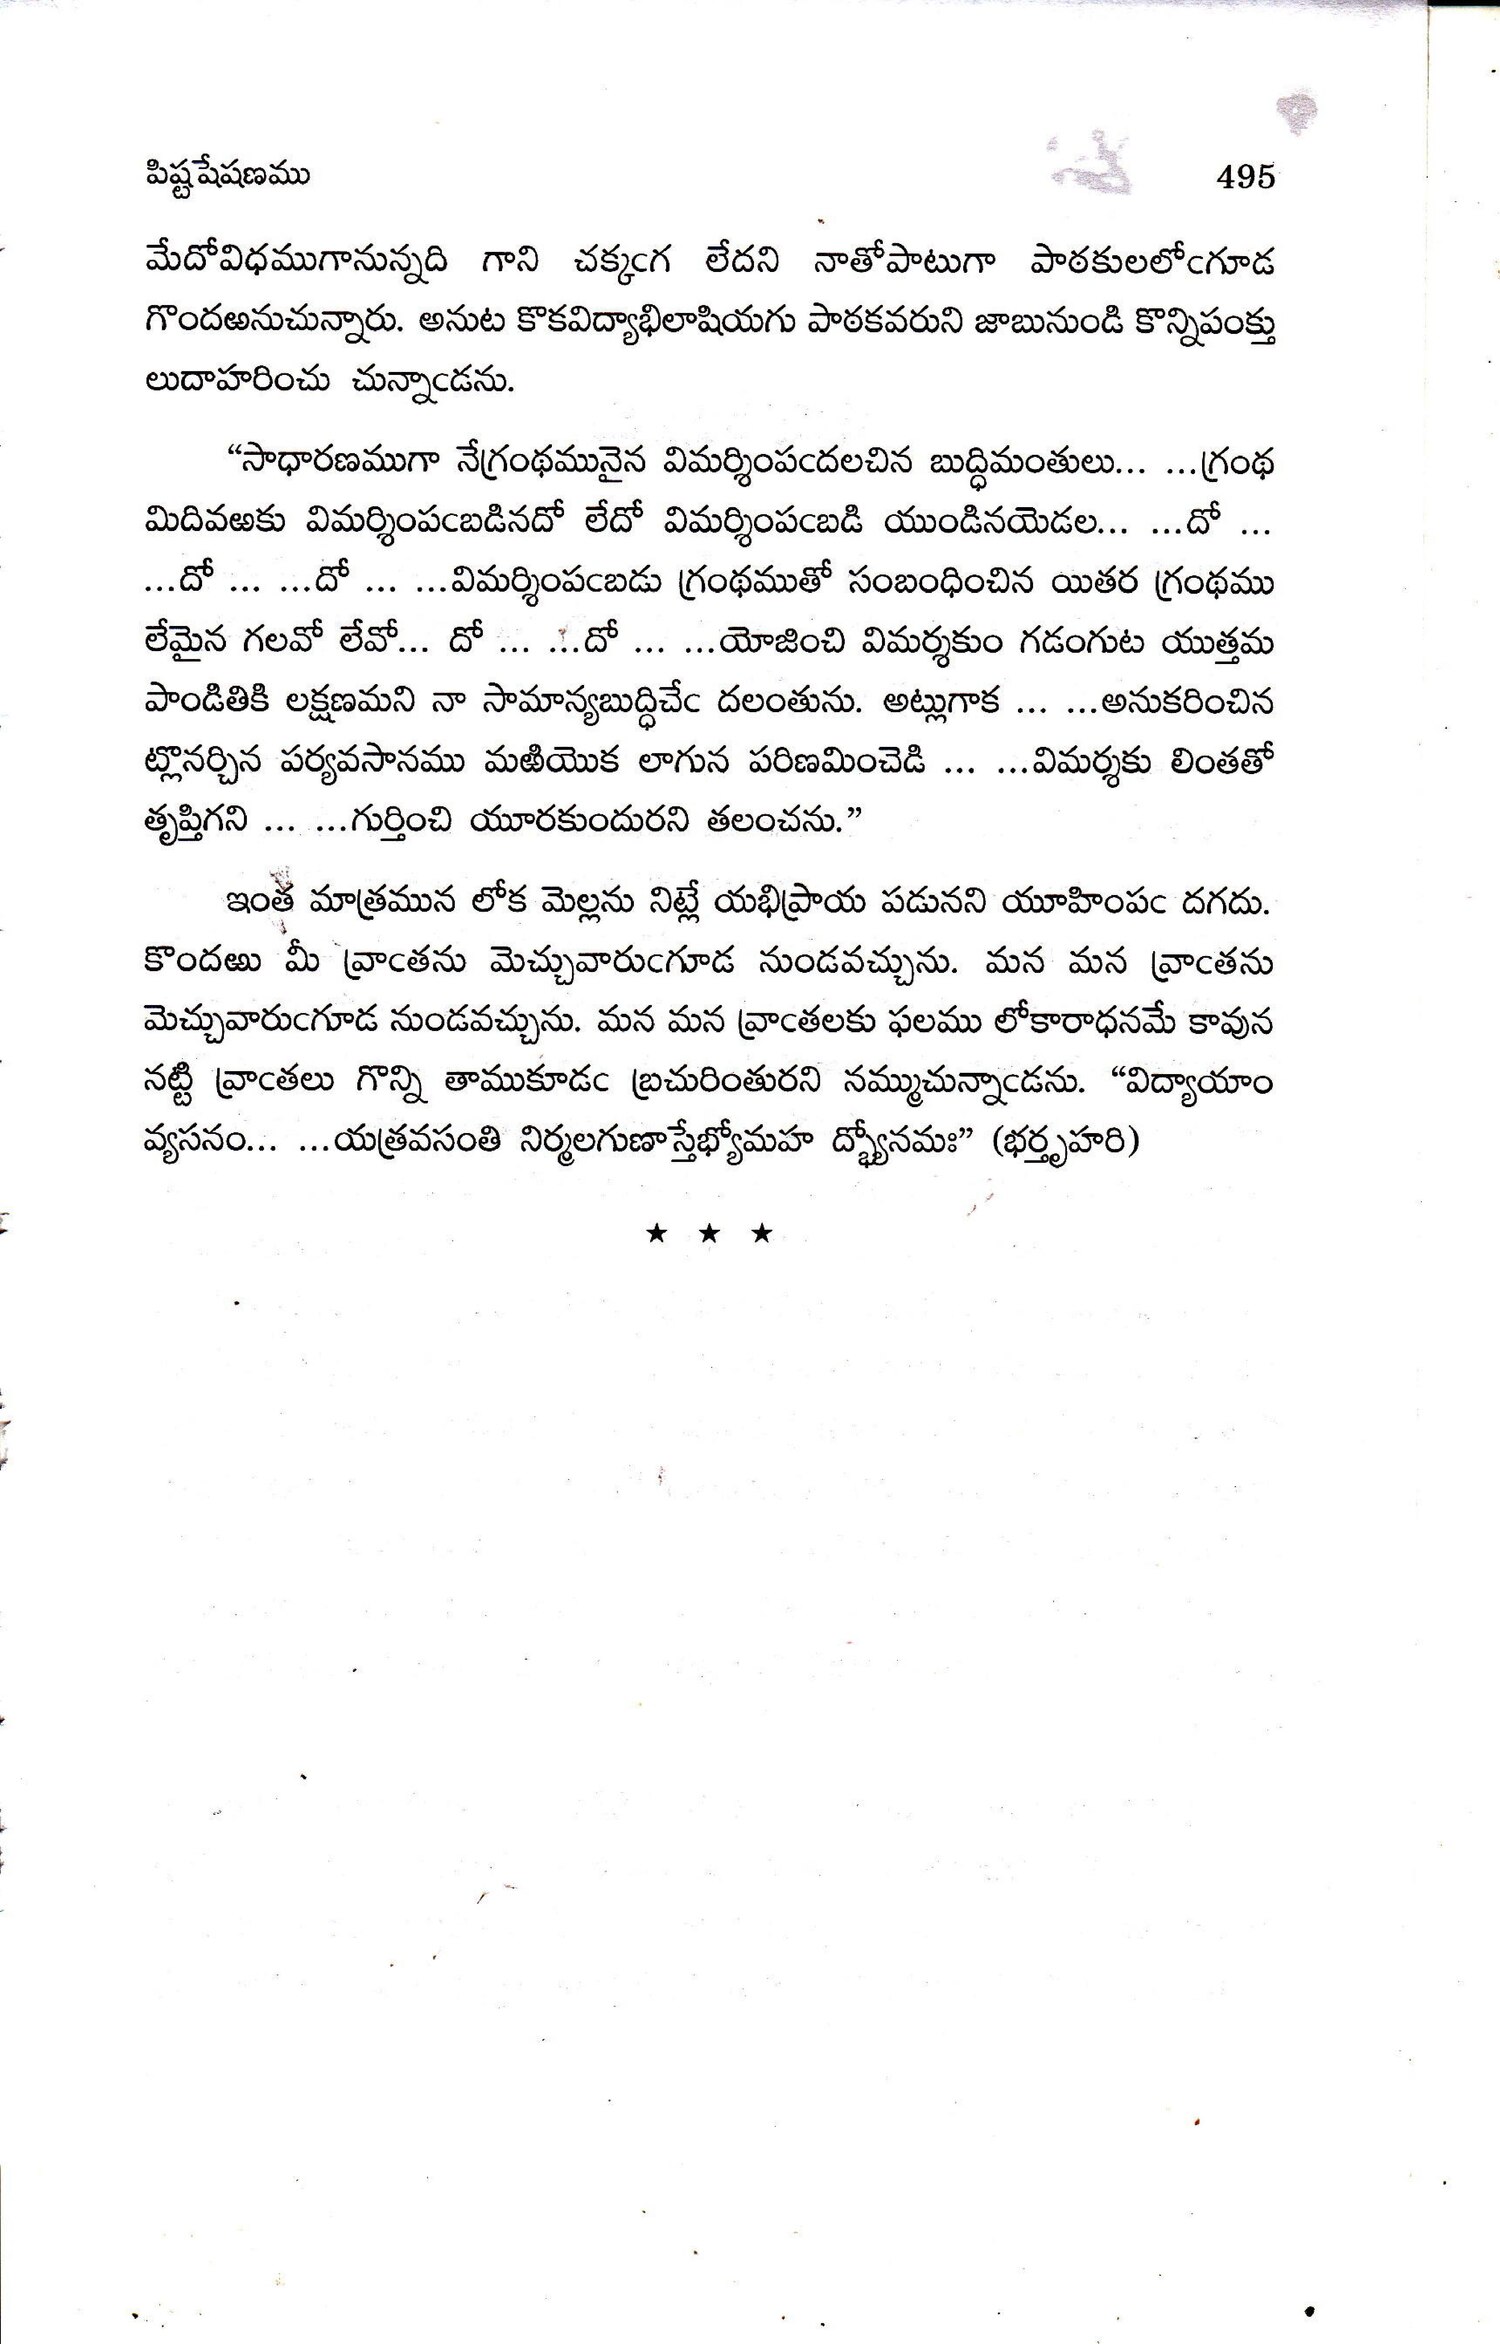మేదోవిధముగానున్నది గాని చక్కఁగ లేదని నాతోపాటుగా పాఠకులలోఁగూడ గొందఱనుచున్నారు. అనుట కొకవిద్యాభిలాషియగు పాఠకవరుని జాబునుండి కొన్నిపంక్తు లుదాహరించు చున్నాఁడను.

“సాధారణముగా నేగ్రంథమునైన విమర్శింపఁదలచిన బుద్ధిమంతులు... ... గ్రంథ మిదివఱకు విమర్శింపఁబడినదో లేదో విమర్శింపఁబడి యుండినయెడల... ... దో . ...దో ... ... దో ... ... విమర్శింపఁబడు గ్రంథముతో సంబంధించిన యితర గ్రంథము లేమైన గలవో లేవో... దో ... ...దో ... ... యోజించి విమర్శకుం గడంగుట యుత్తమ పాండితికి లక్షణమని నా సామాన్యబుద్ధిచేఁ దలంతును. అట్లుగాక ... ... అనుకరించినట్లొనర్చిన పర్యవసానము మఱియొక లాగున పరిణమించెడి ... ... విమర్శకు లింతతో తృప్తిగని ... ...గుర్తించి యూరకుందురని తలంచను.”

ఇంత మాత్రమున లోక మెల్లను నిట్లే యభిప్రాయ పడునని యూహింపఁ దగదు. కొందఱు మీ వ్రాఁతను మెచ్చువారుఁగూడ నుండవచ్చును. మన మన వ్రాఁతను మెచ్చువారుఁగూడ నుండవచ్చును. మన మన వ్రాఁతలకు ఫలము లోకారాధనమే కావున నట్టి వ్రాఁతలు గొన్ని తాముకూడఁ బ్రచురింతురని నమ్ముచున్నాఁడను. “విద్యాయాం వ్యసనం ........ యత్రవసంతి నిర్మలగుణాస్తేభ్యోమహ ద్భ్యోనమః" (భర్తృహరి)